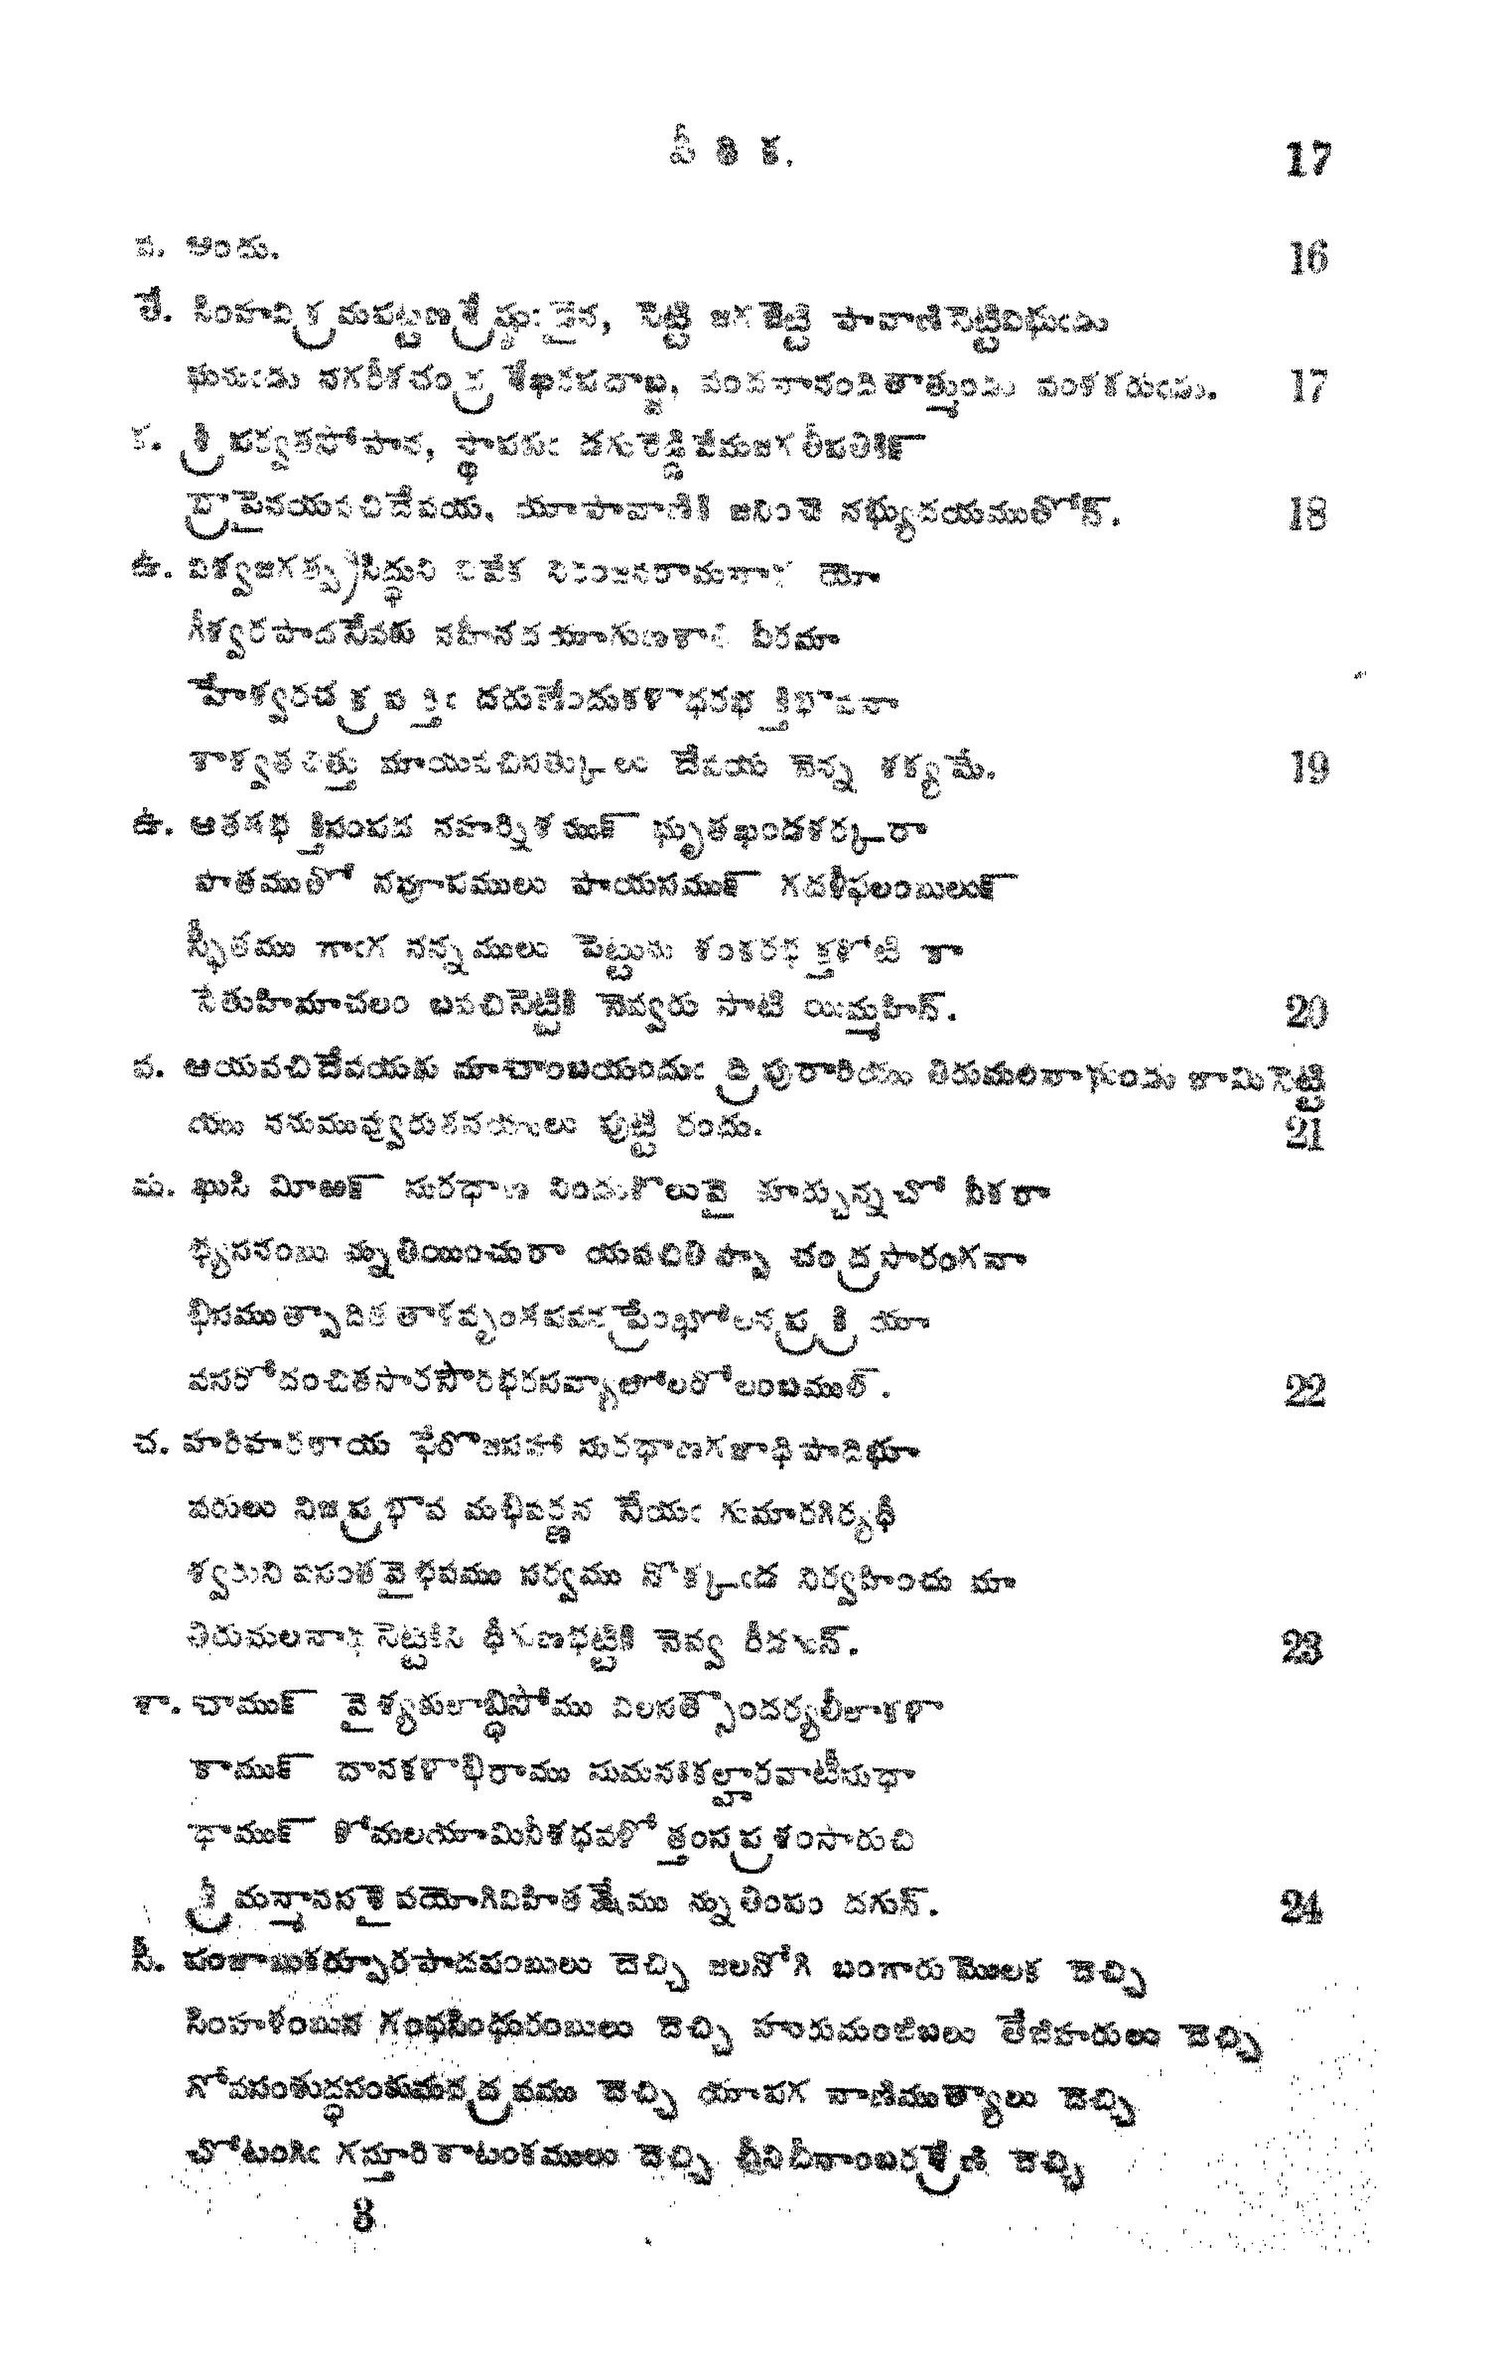వ. అందు. 16

తే. సింహవిక్రమపట్టణశ్రేష్ఠుఁడైన
సెట్టి జగజెట్టి పావాణిసెట్టివిభుఁడు
ఘనుఁడు నగరీశచంద్రశేఖరపదాబ్జ
వందనానందితాత్ముండు వంశకరుఁడు. 17

క. శ్రీపర్వతసోపాన
స్థాపకుఁడగు రెడ్డి వేమజగతీపతికిన్
బ్రాపైన యవచిదేవయ
యా పావాణికి జనించె నభ్యుదయముతోన్. 18

ఉ. విశ్వజగత్ప్రసిద్ధుని, వివేకనిరంజనరామనాథ యో
గీశ్వరపాదసేవకు నహీనదయాగుణశాలి వీరమా
హేశ్వరచక్రవర్తిఁ దరుణేందుకళాధరభక్తిభావనా
శాశ్వతచిత్తు మా యవచి సత్కులు దేవయ నెన్న శక్యమే. 19

ఉ. ఆతతభక్తిసంపద నహర్నిశమున్ ఘృతఖండశర్కరా
పాతముతో నపూపములు పాయసమున్ గదళీఫలంబులున్
స్ఫీతము గాఁగ నన్నములు పెట్టును శంకరభక్తకోటి కా
సేతుహిమాచలం బవచిసెట్టికి నెవ్వరు సాటి యిమ్మహిన్. 20

వ. ఆ యవచిదేవయకు మాచాంబయందుఁ ద్రిపురారియు తిరుమలసెట్టినాథుండు జామిసెట్టియు నను మువ్వురు తనయులు పుట్టి రందు. 21

మ. ఖుసి మీఱన్ సురధాణి నిండుకొలువై కూర్చున్నచో నీకరా
భ్యసనప్రౌఢి నుతించురా యవచితిప్పా! చంద్రసారంగనా
భిసముద్పాదితతాళవృంతపవనప్రేంఖోల్లనప్రక్రియా
వసరోదంచితసారసౌరభరసవ్యాలోలరోలంబముల్. 22

చ. హరిహరరాయ ఫేరోజసహా సురధాణ గజాధిపాదిభూ
వరులు నిజప్రభావ మభివర్ణన సేయఁ గుమారగి ర్యధీ
శ్వరుని వసంతవైభవము సర్వము నొక్కఁడ నిర్వహించు మా
తిరుమలనాథ సెట్టికిని ధీగుణభట్టికి నెవ్వఁ డీడగున్. 23

శా. చామున్, వైశ్యకులాబ్ధిసోము, విలసత్సౌందర్యలీలాకళా
కామున్, దానకళాభిరాము, సుమనఃకల్హారవాటీసుధా
ధామున్, గోమలయామినీశ్వరకళోత్తంసప్రశంసారుచి
శ్రీమన్మానలశైవయోగి విహితక్షేమున్ నుతింపం దగున్. 24

సీ. పంజాబు కర్పూరపాదపంబులు దెచ్చి జలనోగి బంగారుమొలక దెచ్చి
సింహళంబున గంధసింధురంబులు దెచ్చి హురుముంజి బలుతేజి హరులు దెచ్చి
గోవసంశుద్ధసంకుమదద్రవము దెచ్చి యాపగ నాణిముత్యాలు దెచ్చి
చోటంగిఁ గస్తూరికాటంకములు దెచ్చి చీనిచీనాంబరశ్రేణి దెచ్చి